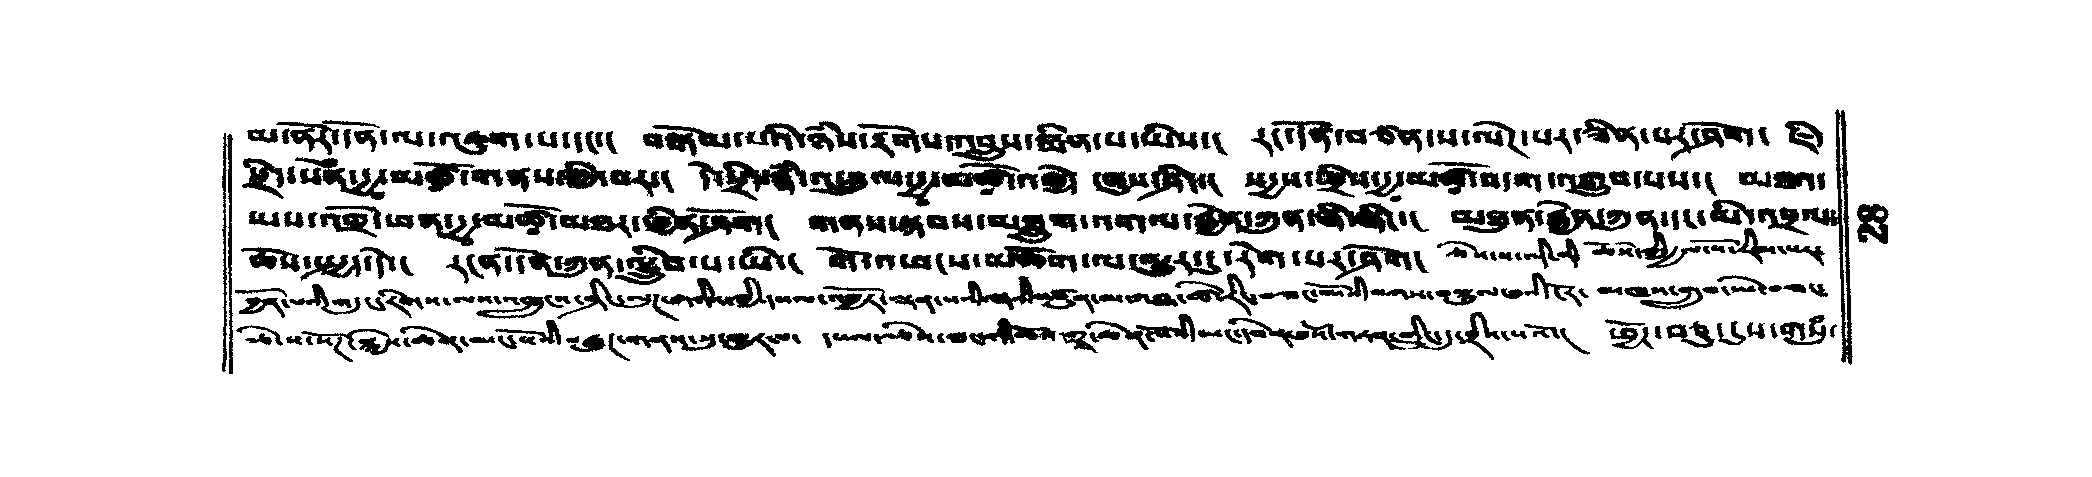མ་ནོར་དོན་ལ་འཇུག་པ་དང་། །བསྒོམ་པས་ཉམས་རྟོགས་འབྲས་བུ་སྨིན་པ་ཡིས། །རང་དོན་བཙན་ས་ལེགས་པར་ཟིན་པར་ཤོག །ཇི་
སྲིད་སེམས་ཅན་རྒྱ་མཚོ་གནས་ཀྱི་བར། །དེ་སྲིད་རྣམ་འཕྲུལ་རྒྱ་མཚོ་འགྱེད་ནུས་ཤིང་། །སངས་རྒྱས་ཕྲིན་ལས་རྒྱ་མཚོ་བདག་འགྲུབ་པས། །མཐའ་
ཡས་འགྲོ་ཕན་རྒྱ་མཚོ་མཐར་ཕྱིན་ཤོག །གནས་སྐབས་མཐར་ཐུག་འགལ་རྐྱེན་ཀུན་ཞི་ཞིང་། །མཐུན་རྐྱེན་ཀུན་དང་མི་འབྲལ་
ཆོས་སྤྱད་དེ། །རང་གཞན་དོན་ཀུན་ལྷུན་གྱིས་གྲུབ་པ་ཡི། །གོ་འཕང་མཆོག་ལ་མྱུར་དུ་རེག་པར་ཤོག ཅེས་པ་འདི་ནི་ཆོས་ཀྱི་རྒྱལ་པོ་རིམ་པར་
བྱོན་པའི་གདུང་རིགས་ལས་འཁྲུངས་ཤིང་ལུགས་གཉིས་ཀྱི་དཔལ་འབྱོར་ལྡན་པའི་ལྷའི་བཙུན་མ་ཀརྨ་ཚེ་རིང་བཟང་མོའི་བཀས་བསྐུལ་བའི་ངོར། འཁས་གྲུབ་ཡེ་བཟང་
བརྩེ་བ་སོགས་སྐྱེས་ཆེན་མང་པོའི་བཞུགས་གནས་སུ་གྱུར་པ། དཔལ་རྩེ་ཐང་གི་ཆོས་གྲྭ་ཆེན་པོའི་ཡང་དབེན་བསམ་གཏན་གླིང་དུ་བྲིས་པའོ།། ཕྱོགས་བཅུ་དུས་གསུམ་